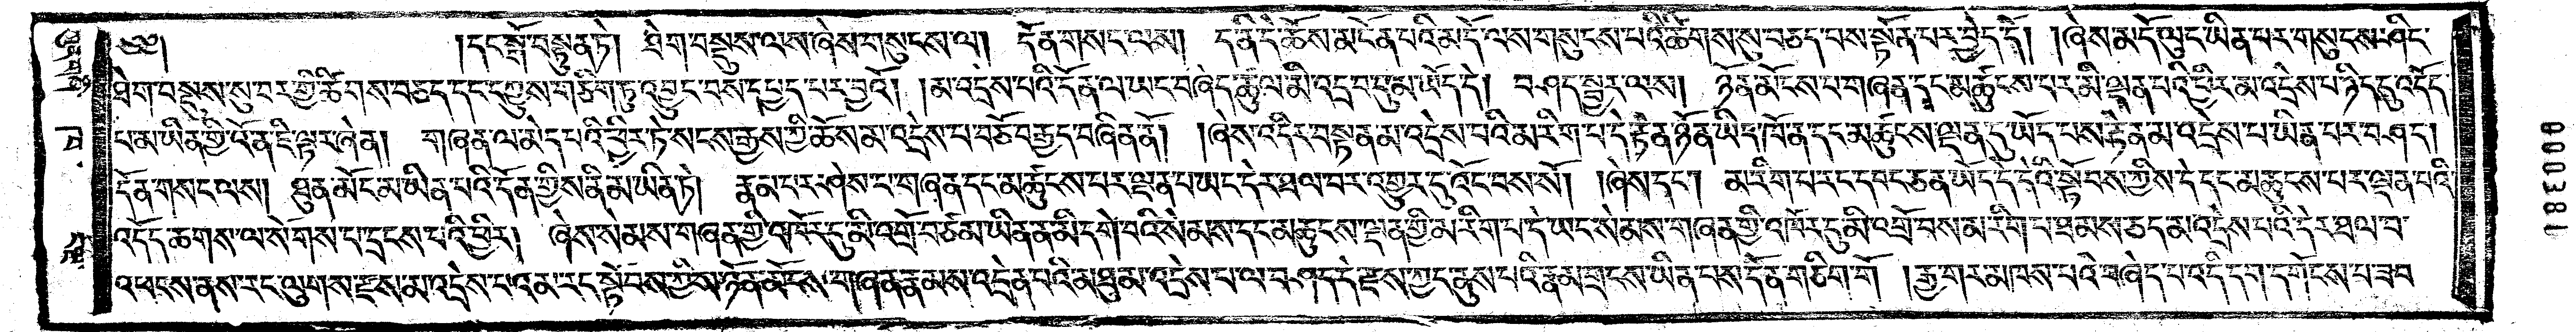༄༅། །དང་སྒོ་བསྟུན་ཏེ། ཐེག་བསྡུས་ལས་ཞེས་གསུངས་ལ། དོན་གསང་ལས། ད་ནི་དེ་ཆོས་མངོན་པའི་མདོ་ལས་གསུངས་པའི་ཚིགས་སུ་བཅད་བས་སྟོན་པར་བྱེད་དོ། །ཞེས་མདོ་ལུང་ཡིན་པར་གསུངས་ཤིང་
ཐེག་བསྡུས་སུ་བར་གྱི་ཚིགས་བཅད་དང་དཀྱུས་གཅིག་ཏུ་འབྱུང་བས་དཔྱད་པར་བྱའོ། །མ་འདྲེས་པའི་དོན་ལ་ཡང་བཞེད་ཚུལ་མི་འདྲ་བ་དུ་མ་ཡོད་དེ། བཤད་སྦྱར་ལས། ཉོན་མོངས་པ་གཞན་དང་མཚུངས་པར་མི་ལྡན་པའི་ཕྱིར་མ་འདྲེས་པ་ཉིད་དུ་འདོད་
པ་མ་ཡིན་གྱི་འོ་ན་ཇི་ལྟར་ཞེ་ན། གཞན་ལ་མེད་པའི་ཕྱིར་ཏེ་སངས་རྒྱས་ཀྱི་ཆོས་མ་འདྲེས་པ་བཅོ་བརྒྱད་བཞིན་ནོ། །ཞེས་འདིར་བསྟན་མ་འདྲེས་བའི་མ་རིག་པ་དེ་རྟེན་ཉོན་ཡིད་ཁོ་ན་དང་མཚུངས་ལྡན་དུ་ཡོད་པས་རྟེན་མ་འདྲེས་པ་ཡིན་པར་བཤད།
དོན་གསང་ལས། ཐུན་མོང་མ་ཡིན་པའི་དོན་གྱིས་ནི་མ་ཡིན་ཏེ། རྣམ་པར་ཤེས་པ་གཞན་དང་མཚུངས་པར་ལྡན་པ་ཡང་དེར་ཐལ་བར་འགྱུར་དུ་འོང་བས་སོ། །ཞེས་དང་། མ་རིག་པ་རང་དབང་ཅན་ཡོད་དེ་དེའི་སྟོབས་ཀྱིས་དེ་དང་མཚུངས་པར་ལྡན་བའི་
འདོད་ཆགས་ལ་སོགས་པ་དྲངས་པའི་ཕྱིར། ཞེས་སེམས་གཞན་གྱི་འཁོར་དུ་མི་འགྲོ་བ་ཙམ་ཡིན་ན་མི་དགེ་བའི་སེམས་དང་མཚུངས་ལྡན་གྱི་མ་རིག་པ་དེ་ཡང་སེམས་གཞན་གྱི་འཁོར་དུ་མི་འགྲོ་བས་མ་རིག་པ་ཐམས་ཅད་མ་འདྲེས་པའི་དེར་ཐལ་བ་
འཕངས་ནས་རང་ལུགས་རྫས་མ་འདྲེས་པའམ་རང་སྟོབས་ཀྱིས་ཉོན་མོངས་གཞན་རྣམས་འདྲེན་པའི་མཐུ་མ་འདྲེས་པ་ལ་བཤད་དེ་རྫས་ཀྱང་ནུས་བའི་རྣམ་གྲངས་ཡིན་པས་དོན་གཅིག་གོ །རྒྱ་གར་མཁས་པའི་བཞེད་པ་འདི་དག་དགོངས་པ་ཟབ་